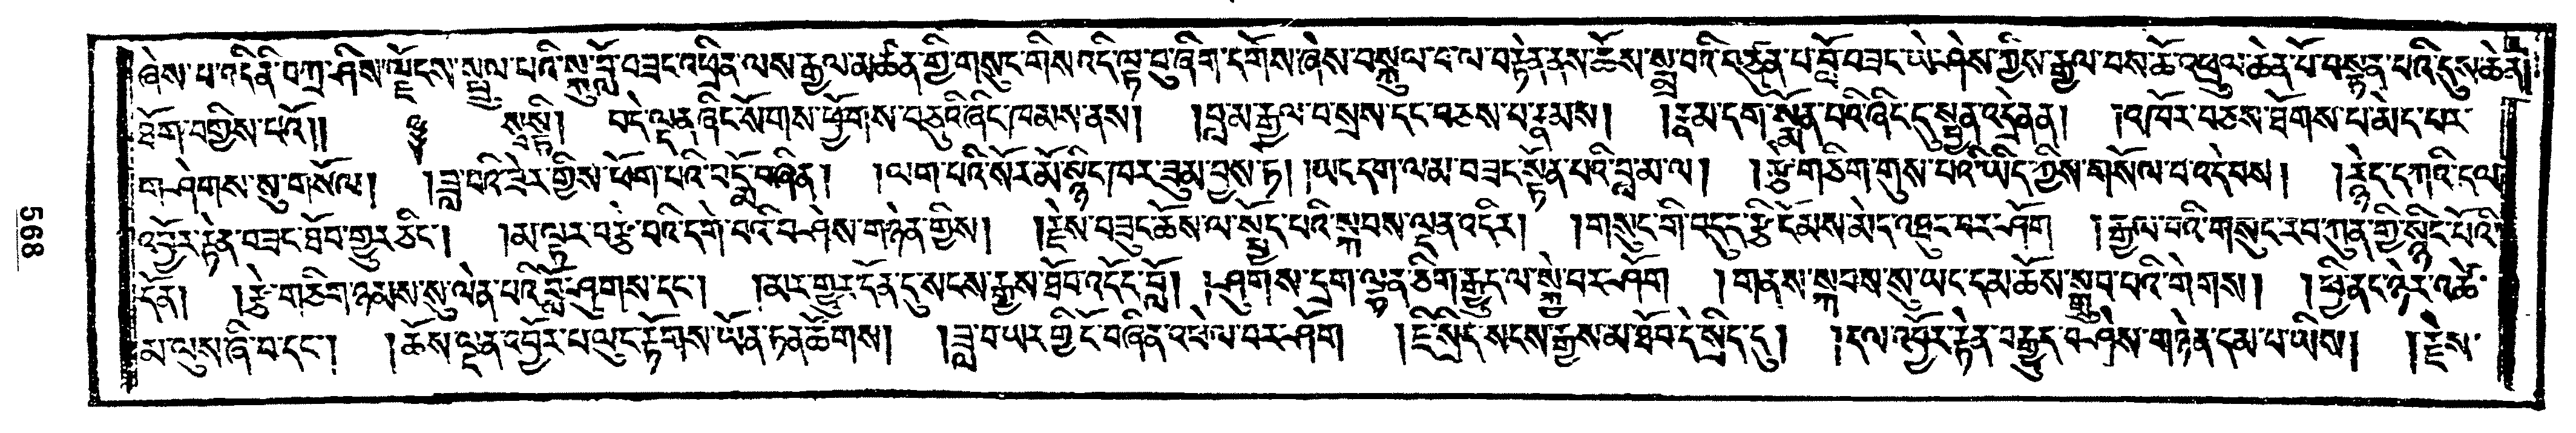ཞེས་པ་འདི་ནི་བཀྲ་ཤིས་ལྗོངས་སྤྲུལ་པའི་སྐུ་བློ་བཟང་འཕྲིན་ལས་རྒྱལ་མཚན་གྱི་གསུང་གིས་འདི་ལྟ་བུ་ཞིག་དགོས་ཞེས་བསྐུལ་བ་ལ་བརྟེན་ནས་ཆོས་སྨྲ་བའི་བཙུན་པ་བློ་བཟང་ཡེ་ཤེས་ཀྱིས་རྒྱལ་བས་ཆོ་འཕྲུལ་ཆེན་པོ་བསྟན་པའི་དུས་ཆེན་
ཐོག་བགྱིས་པའོ།། ༈ སྭསྟི། བདེ་ལྡན་ཞིང་སོགས་ཕྱོགས་བཅུའི་ཞིང་ཁམས་ནས། །བླ་མ་རྒྱལ་བ་སྲས་དང་བཅས་པ་རྣམས། །རྣམ་དག་སྨོན་པའི་ཞིང་དུ་སྤྱན་འདྲེན་ན། །འཁོར་བཅས་ཐོགས་པ་མེད་པར་
གཤེགས་སུ་གསོལ། །ཟླ་བའི་ཟེར་གྱིས་ཕོག་པའི་པདམོ་བཞིན། །ལག་པའི་སོར་མོ་སྙིང་ཁར་ཟུམ་བྱས་ཏེ། །ཡང་དག་ལམ་བཟང་སྟོན་པའི་བླ་མ་ལ། །རྩེ་གཅིག་གུས་པའི་ཡིད་ཀྱིས་གསོལ་བ་འདེབས། །རྙེད་དཀའི་དལ་
འབྱོར་རྟེན་བཟང་ཐོབ་གྱུར་ཅིང་། །མ་ལྟར་བརྩེ་བའི་དགེ་བའི་བཤེས་གཉེན་གྱིས། །རྗེས་བཟུང་ཆོས་ལ་སྤྱོད་པའི་སྐབས་ལྡན་འདིར། །གསུང་གི་བདུད་རྩི་ངོམས་མེད་འཐུང་བར་ཤོག །རྒྱལ་བའི་གསུང་རབ་ཀུན་གྱི་སྙིང་པོའི་
དོན། །རྩེ་གཅིག་ཉམས་སུ་ལེན་པའི་བློ་ཤུགས་དང་། །མར་གྱུར་དོན་དུ་སངས་རྒྱས་ཐོབ་འདོད་བློ། །ཤུགས་དྲག་ལྷན་ཅིག་རྒྱུད་ལ་སྐྱེ་བར་ཤོག །གནས་སྐབས་སུ་ཡང་དམ་ཆོས་སྒྲུབ་པའི་གེགས། །ཕྱི་ནང་ཉེར་འཚེ་
མ་ལུས་ཞི་བ་དང་། །ཆོས་ལྡན་འབྱོར་པ་ལུང་རྟོགས་ཡོན་ཏན་ཚོགས། །ཟླ་བ་ཡར་གྱི་ངོ་བཞིན་འཕེལ་བར་ཤོག །ཇི་སྲིད་སངས་རྒྱས་མ་ཐོབ་དེ་སྲིད་དུ། །དལ་འབྱོར་རྟེན་བརྒྱུད་བཤེས་གཉེན་དམ་པ་ཡིས། །རྗེས་